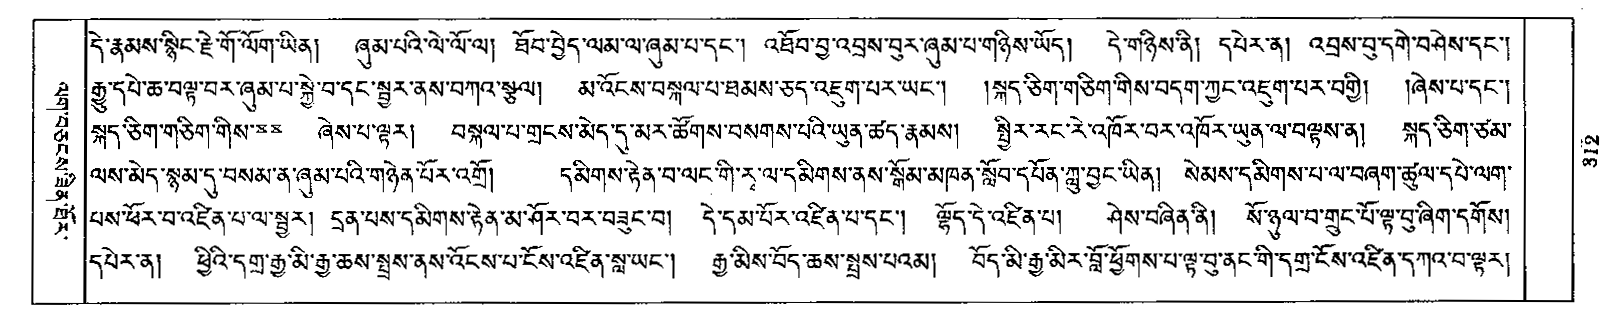དེ་རྣམས་སྙིང་རྗེ་གོ་ལོག་ཡིན། ཞུམ་པའི་ལེ་ལོ་ལ། ཐོབ་བྱེད་ལམ་ལ་ཞུམ་པ་དང་། འཐོབ་བྱ་འབྲས་བུར་ཞུམ་པ་གཉིས་ཡོད། དེ་གཉིས་ནི། དཔེར་ན། འབྲས་བུ་དགེ་བཤེས་དང་།
རྒྱུ་དཔེ་ཆ་བལྟ་བར་ཞུམ་པ་སྐྱེ་བ་དང་སྦྱར་ནས་བཀའ་སྩལ། མ་འོངས་བསྐལ་པ་ཐམས་ཅད་འཇུག་པར་ཡང་། །སྐད་ཅིག་གཅིག་གིས་བདག་ཀྱང་འཇུག་པར་བགྱི། །ཞེས་པ་དང་།
སྐད་ཅིག་གཅིག་གིས་྾་྾་ཞེས་པ་ལྟར། བསྐལ་པ་གྲངས་མེད་དུ་མར་ཚོགས་བསགས་པའི་ཡུན་ཚད་རྣམས། སྤྱིར་རང་རེ་འཁོར་བར་འཁོར་ཡུན་ལ་བལྟས་ན། སྐད་ཅིག་ཙམ་
ལས་མེད་སྙམ་དུ་བསམ་ན་ཞུམ་པའི་གཉེན་པོར་འགྲོ། དམིགས་རྟེན་བ་ལང་གི་རྭ་ལ་དམིགས་ནས་སྒོམ་མཁན་སློབ་དཔོན་ཀླུ་བྱང་ཡིན། སེམས་དམིགས་པ་ལ་བཞག་ཚུལ་དཔེ་ལག་
པས་ཕོར་བ་འཛིན་པ་ལ་སྦྱར། དྲན་པས་དམིགས་རྟེན་མ་ཤོར་བར་བཟུང་བ། དེ་དམ་པོར་འཛིན་པ་དང་། ལྷོད་དེ་འཛིན་པ། ཤེས་བཞིན་ནི། སོ་ཉུལ་བ་གྲུང་པོ་ལྟ་བུ་ཞིག་དགོས།
དཔེར་ན། ཕྱིའི་དགྲ་རྒྱ་མི་རྒྱ་ཆས་སྤྲས་ནས་འོངས་པ་ངོས་འཛིན་སླ་ཡང་། རྒྱ་མིས་བོད་ཆས་སྤྲས་པའམ། བོད་མི་རྒྱ་མིར་བློ་ཕྱོགས་པ་ལྟ་བུ་ནང་གི་དགྲ་ངོས་འཛིན་དཀའ་བ་ལྟར།